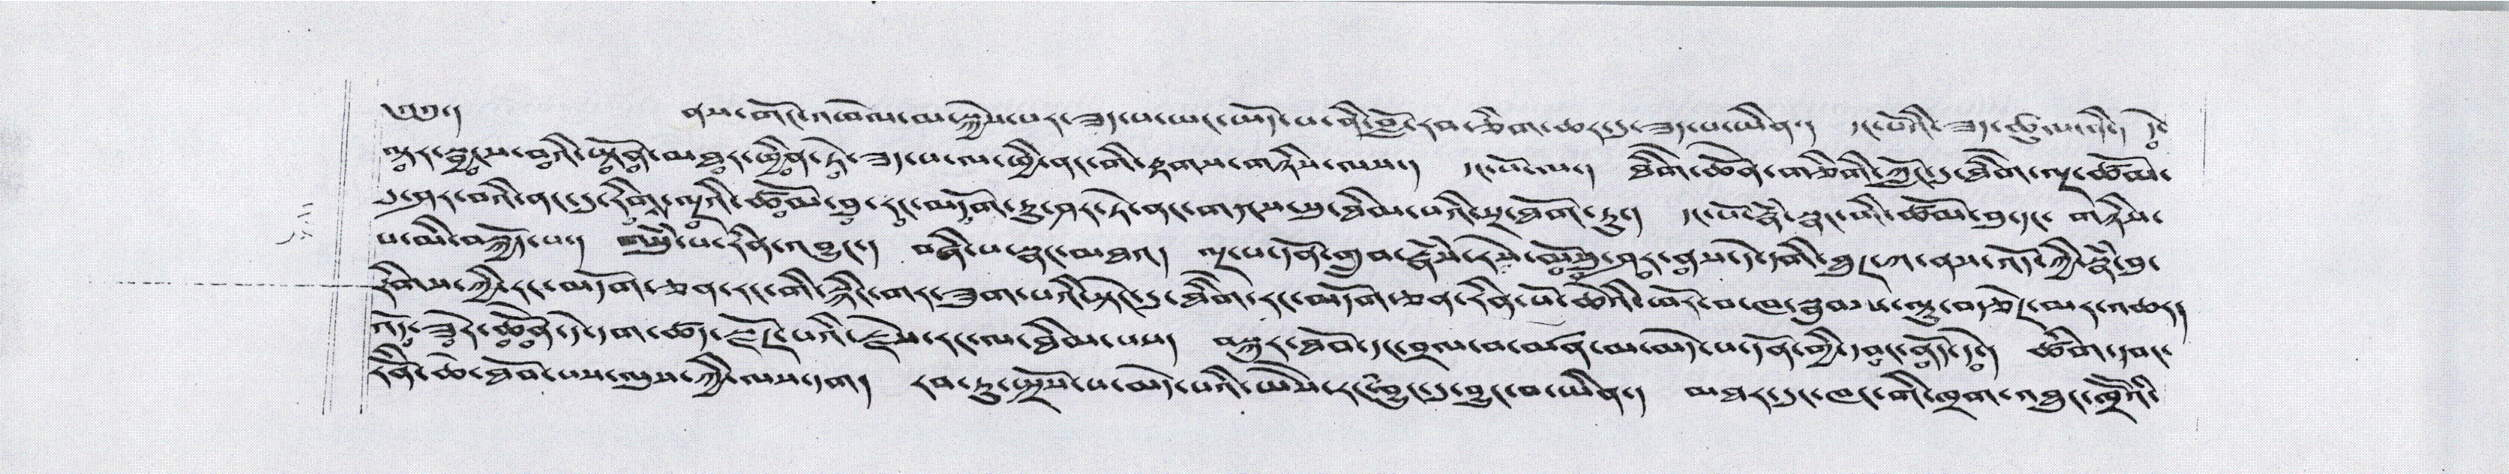ནས་གོང་འཕེལ་མ་སྐྱེས་པར་ཟད་པའང་ཡོད་པ་ནི་བློ་རབ་ཅིག་ཆར་དུ་ཟད་པ་ཡིན། དང་པོའི་ཟད་ཚུལ་ནི། དེ་
ལྟར་སྦྱངས་པའི་ཡོན་ཏན་མཐར་ཕྱིན་ཏེ། ཟད་པ་ལ་ཕྱི་ནང་གི་རྟགས་གཉིས་ལས། དང་པོ་ལ། ཐིག་ལེ་ཆེན་པོ་གཅིག་གི་ནང་དུ་ཐིག་ལེ་ལྔ་ཚོམ་
དུ་ཤར་བའི་ནང་དུ་རིགས་ལྔའི་ཚོམ་བུ་རང་མདོག་ཏུ་ཤར་ཏེ་ནང་གདངས་སུ་ཐིམ་པའི་སྔ་ཐོག་ཏུ། དང་པོ་རྣམ་སྣང་གི་ཚོམ་བུ་དང་། གཉིས་
པ་མི་བསྐྱོད་པ། གསུམ་པ་རིན་འབྱུང་། བཞི་པ་སྣང་མཐའ། ལྔ་པ་དོན་གྲུབ་རྣམས་རེས་མོས་སུ་ཤར་ནས། དེ་དག་གི་ཐུགས་ཀ་ནས་འོད་ཀྱི་སྣམ་བུ་
རིགས་ཀྱི་རང་མདོག་ཅན་རང་གི་སྙིང་གར་ཟུག་པའི་སྟེང་དུ་ཐིག་ལེ་རང་མདོག་ཅན་རིན་པོ་ཆེའི་ཕོར་བ་ཁ་སྦུབས་པ་ལྟ་བུ་བརྩེགས་མར་འཆར། 
འོད་ཟེར་ཆེན་པོ་དེ་དག་ཚད་རྫོགས་པའི་རྗེས་རང་ལ་ཐིམ་པས། སྐུར་ཐོབ་དང་བྲལ་བ་མཚན་མ་མེད་པ་དོན་གྱི་དབང་ནོད་དེ་ཚིག་དབང་
རིན་པོ་ཆེ་ཐོབ་པས་ལུས་ཀྱི་ལས་དག རབ་ཏུ་སྤྲོས་པ་མེད་པའི་ཡེ་ཤེས་རང་འབྱུང་དུ་བྱུང་བ་ཡིན། མཐར་དུང་ཁང་གི་ཁྲག་འཐུང་ཁྲོ་བོའི་